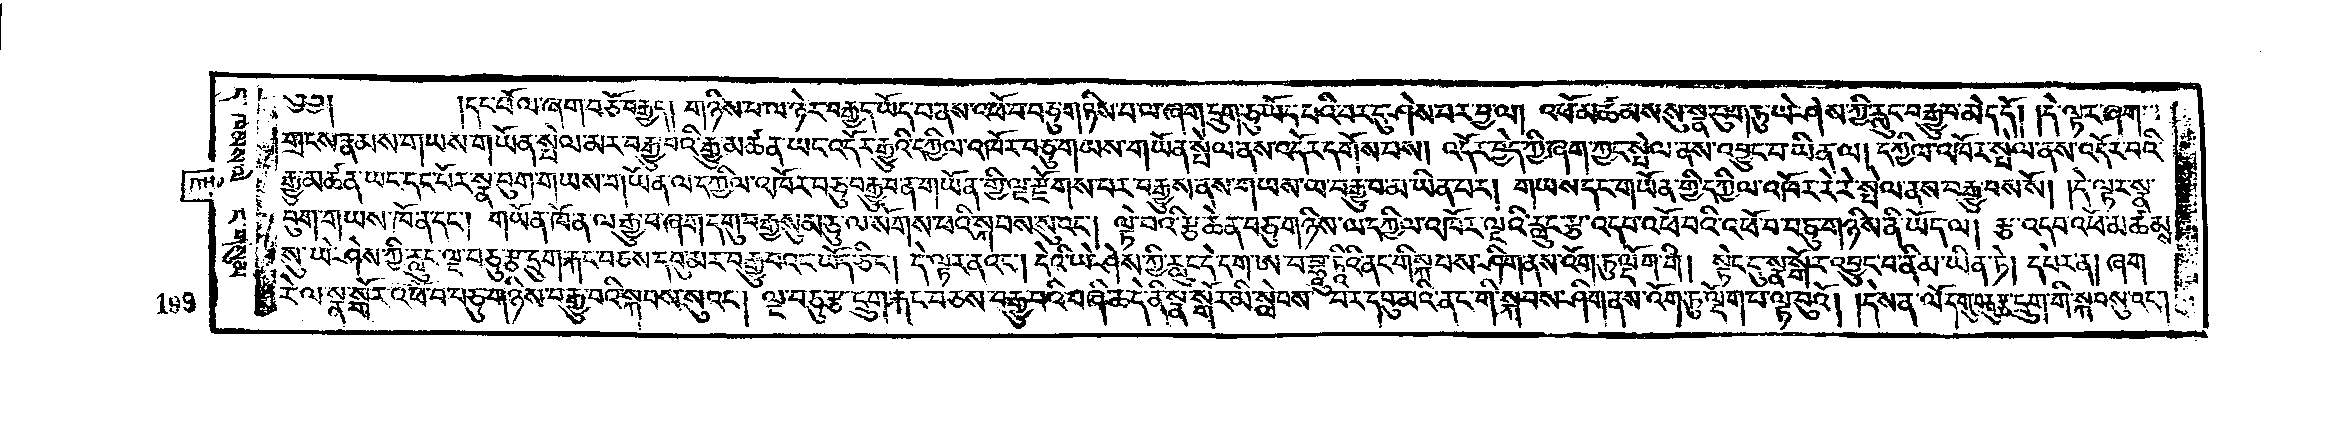༄༅། །དང་པོ་ལ་ཞག་བཅོ་བརྒྱད། གཉིས་པ་ལ་ཉེར་བརྒྱད་ཡོད་པ་ནས་འཕོ་བ་བཅུ་གཉིས་པ་ལ་ཞག་དྲུག་ཅུ་ཡོད་པའི་བར་དུ་ཤེས་པར་བྱ་ལ། འཕོ་མཚམས་སུ་སྣ་བུག་ཏུ་ཡེ་ཤེས་ཀྱི་རླུང་བརྒྱུ་བ་མེད་དོ། །དེ་ལྟར་ཞག་
གྲངས་རྣམས་གཡས་གཡོན་སྤེལ་མར་བརྒྱུ་བའི་རྒྱུ་མཚན་ཡང་འདོར་རྒྱུའི་དཀྱིལ་འཁོར་བཅུ་གཡས་གཡོན་སྤེལ་ནས་འདོར་དགོས་པས། འདོར་བྱེད་ཀྱི་ཞག་ཀྱང་སྤེལ་ནས་འབྱུང་བ་ཡིན་ལ། དཀྱིལ་འཁོར་སྤེལ་ནས་འདོར་བའི་
རྒྱུ་མཚན་ཡང་དང་པོར་སྣ་བུག་གཡས་གཡོན་ལ་དཀྱིལ་འཁོར་བཅུ་བརྒྱུ་བ་ན་གཡོན་གྱི་ལྔ་རྫོགས་པར་བརྒྱུས་ནས་གཡས་ལ་བརྒྱུ་བ་མ་ཡིན་པར། གཡས་དང་གཡོན་གྱི་དཀྱིལ་འཁོར་རེ་རེ་སྤེལ་ནས་བརྒྱུ་བས་སོ། །དེ་ལྟར་སྣ་
བུག་གཡས་ཁོ་ན་དང་། གཡོན་ཁོ་ན་ལ་རྒྱུ་བ་ཞག་དགུ་བརྒྱ་སུམ་ཅུ་ལ་སོགས་པའི་སྐབས་སུའང་། ལྟེ་བའི་རྩ་ཆེན་བཅུ་གཉིས་ལ་དཀྱིལ་འཁོར་ལྔའི་རླུང་རྩ་འདབ་འཕོ་བའི་འཕོ་བ་བཅུ་གཉིས་ནི་ཡོད་ལ། རྩ་འདབ་འཕོ་མཚམས་
སུ་ཡེ་ཤེས་ཀྱི་རླུང་ལྔ་བཅུ་རྩ་དྲུག་རྐང་བཅས་དབུ་མར་བརྒྱུ་བའང་ཡོད་ཅིང་། དེ་ལྟར་ནའང་། དེའི་ཡེ་ཤེས་ཀྱི་རླུང་དེ་དག་ཨ་བ་བྷཱུ་ཏཱིའི་ནང་གི་སྐབས་ཤིག་ནས་འོག་ཏུ་ལྡོག་གི། སྟེང་དུ་སྣ་སྒོར་འབྱུང་བ་ནི་མ་ཡིན་ཏེ། དཔེར་ན། ཞག་
རེ་ལ་སྣ་སྒོར་འཕོ་བ་བཅུ་གཉིས་བརྒྱུ་བའི་སྐབས་སུའང་། ལྔ་བཅུ་རྩ་དྲུག་རྐང་བཅས་བརྒྱུ་བའི་བཞི་ཆ་དེ་ནི་སྣ་སྒོར་མི་སླེབས་པར་དབུ་མའི་ནང་གི་སྐབས་ཤིག་ནས་འོག་ཏུ་ལྡོག་པ་ལྟ་བུའོ། །དེས་ན་ལོ་དགུ་བཅུ་རྩ་དྲུག་གི་སྐབས་སུའང་།